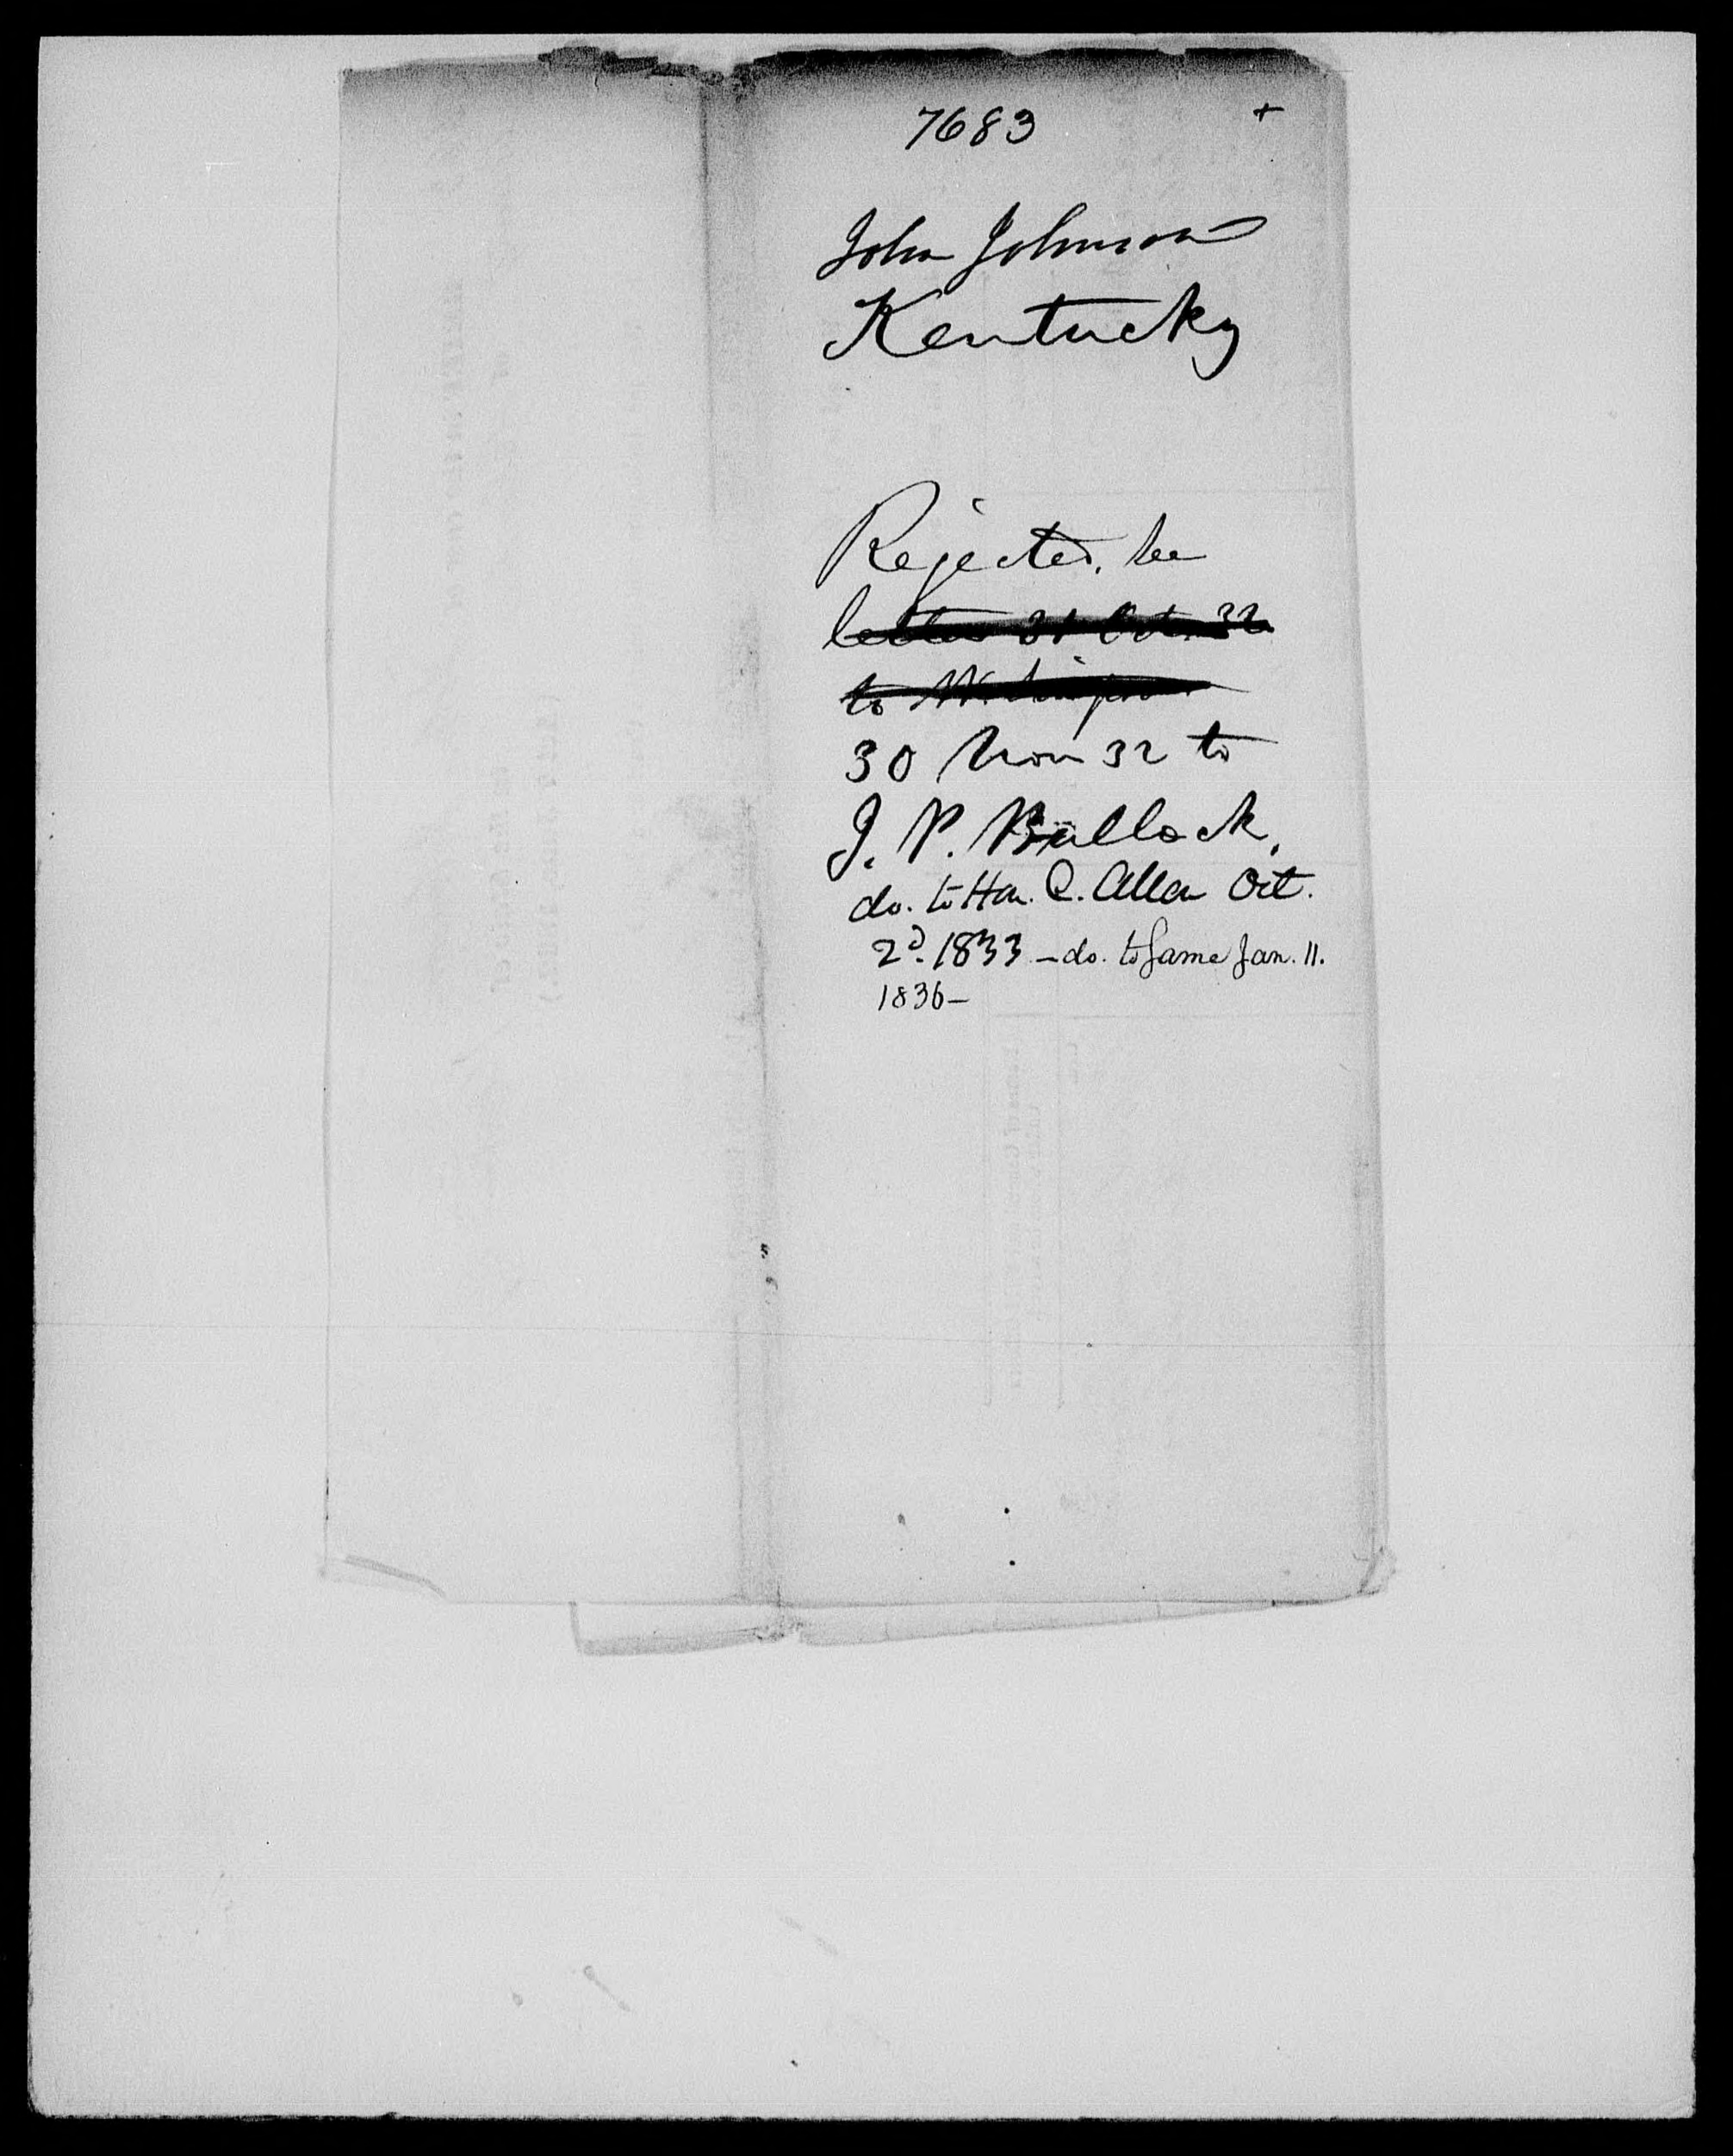7683 +
John Johnson
Kentucky

Rejected. See
[begin strike out] letters of Oct. 32 to Washington [end strike out]
30 Nov 32 to
J.P. Mullock
do to Hon R Allen Oct.
2d 1833 _ do to Same Jan 11.
1836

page: 2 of 16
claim: rejected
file: R. 5634, for John Johnson, Virginia